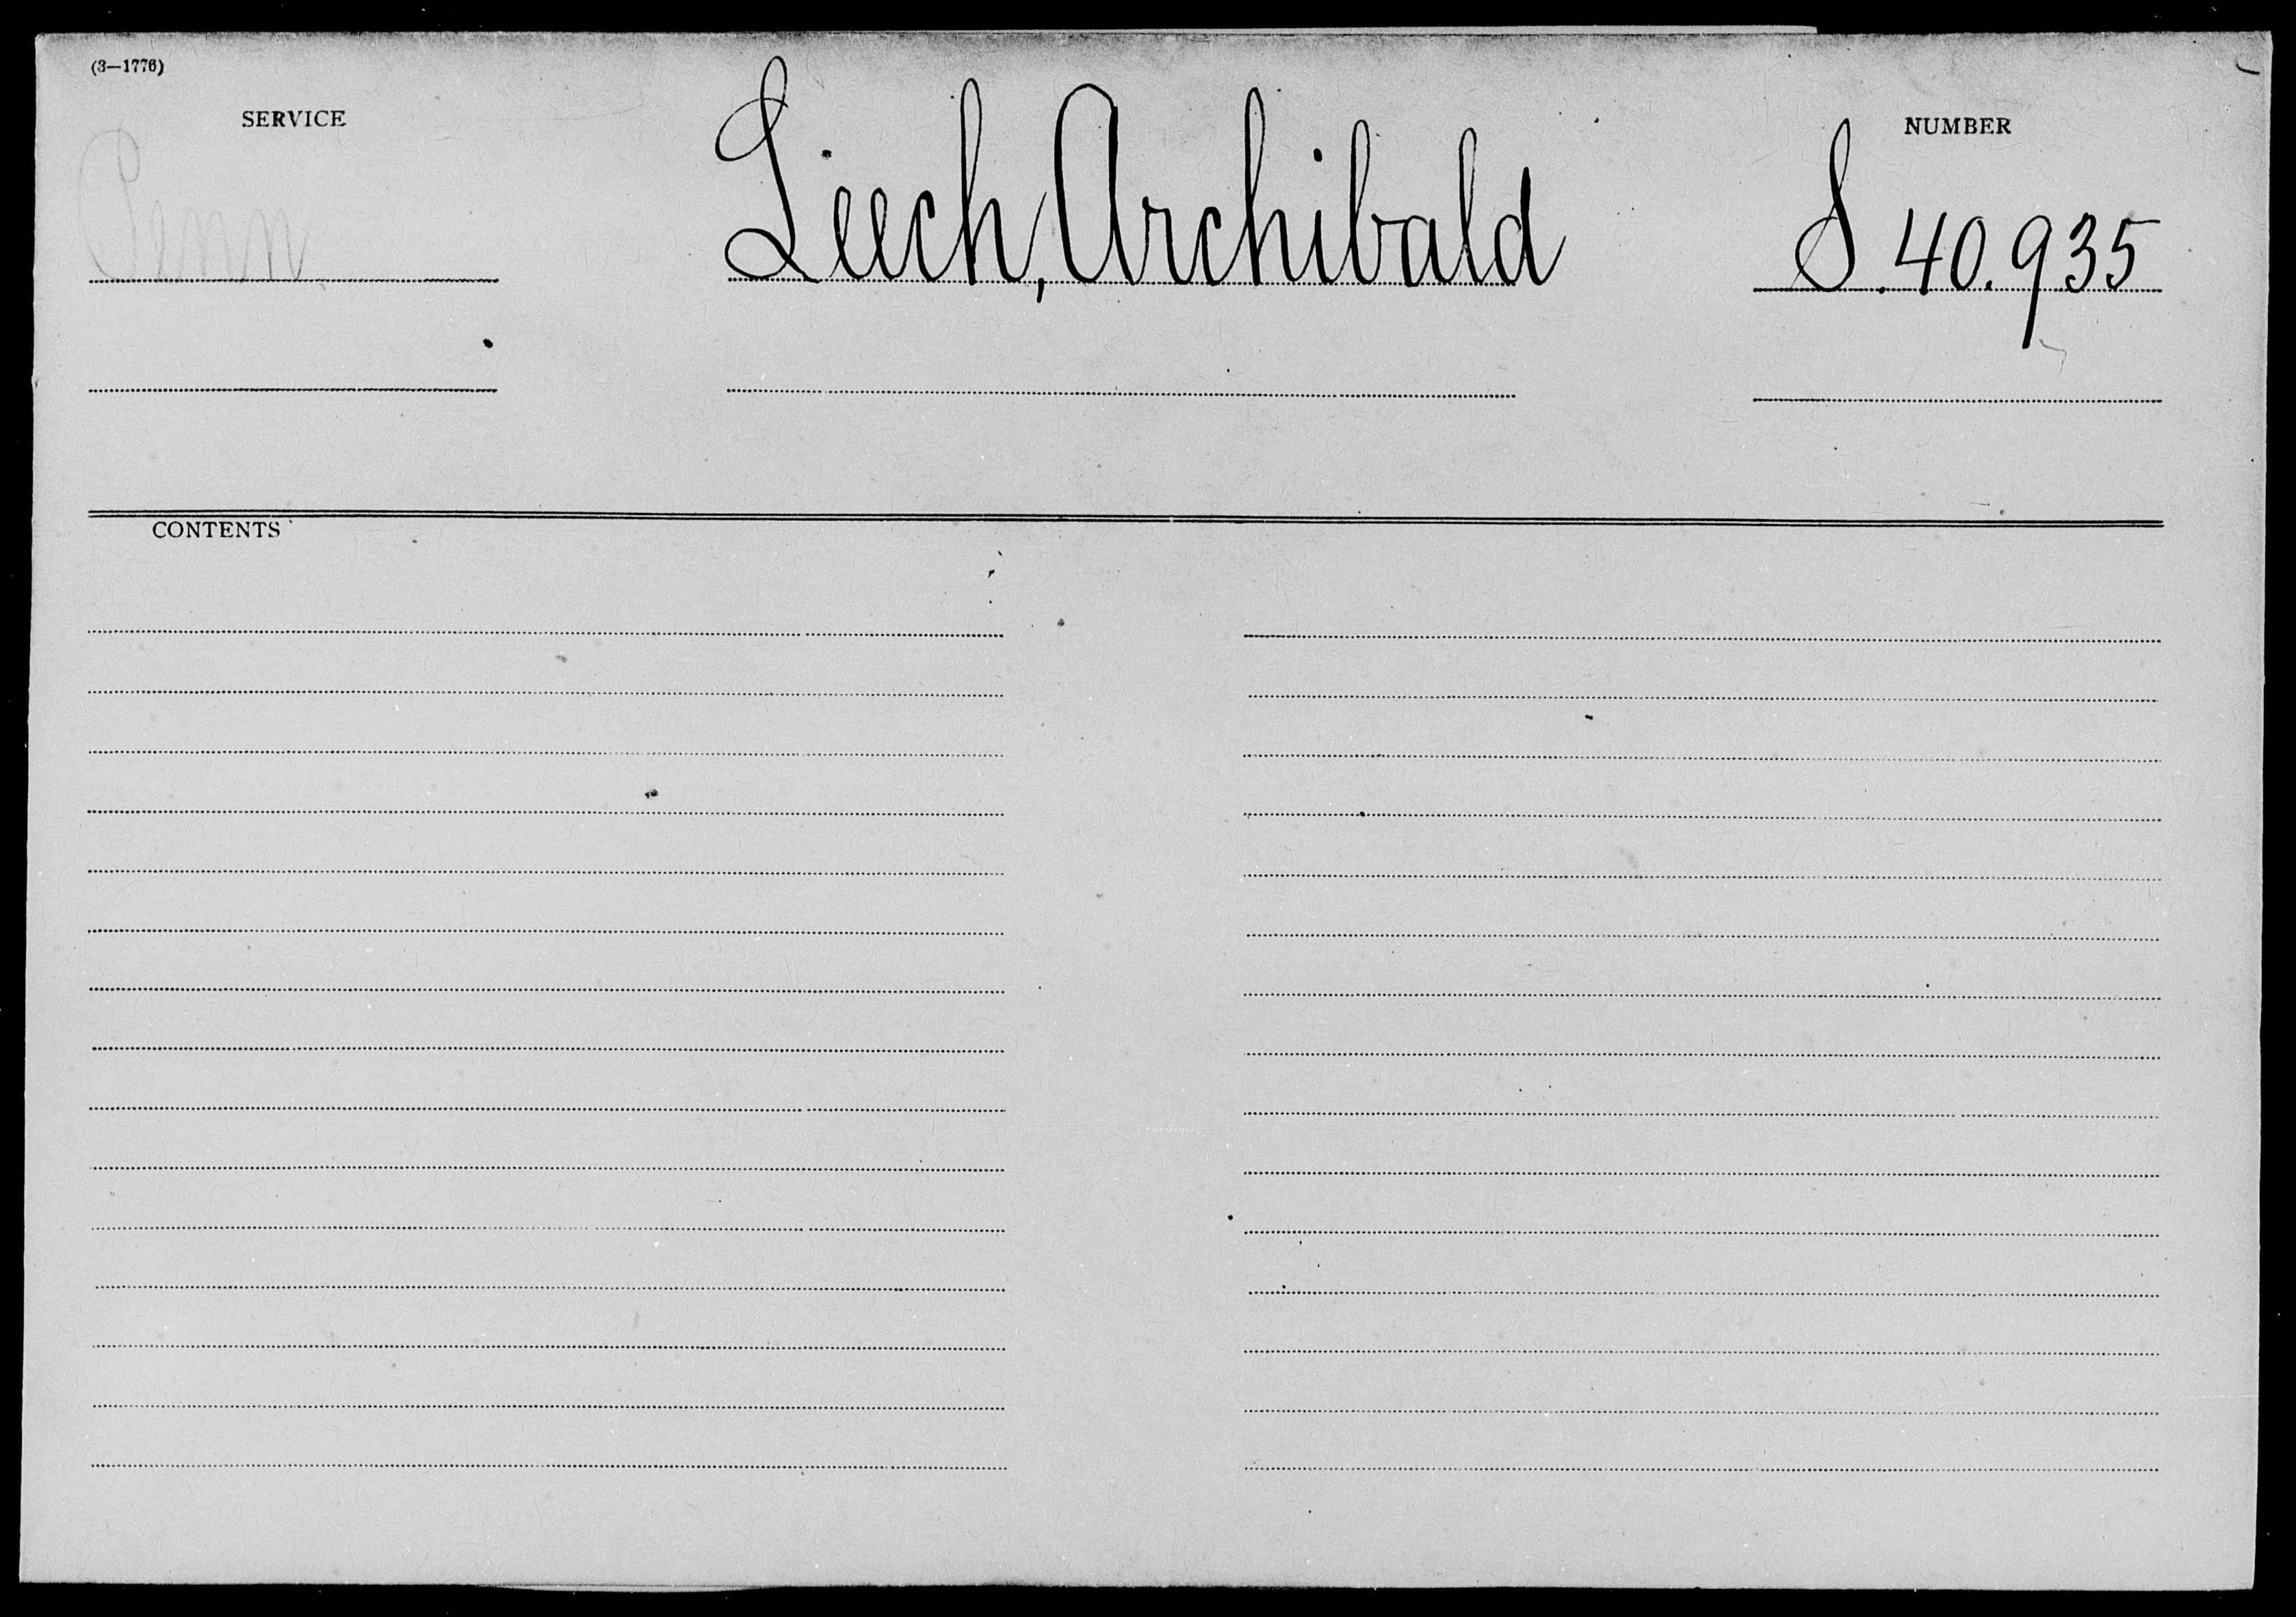(3 - 1776)
SERVICE
Pennsylvania
Leech, Archibald
NUMBER
S 40.935
CONTENTS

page: 1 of 20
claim: survivor's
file: S. 40,935, for Archibald Leech, Pennsylvania